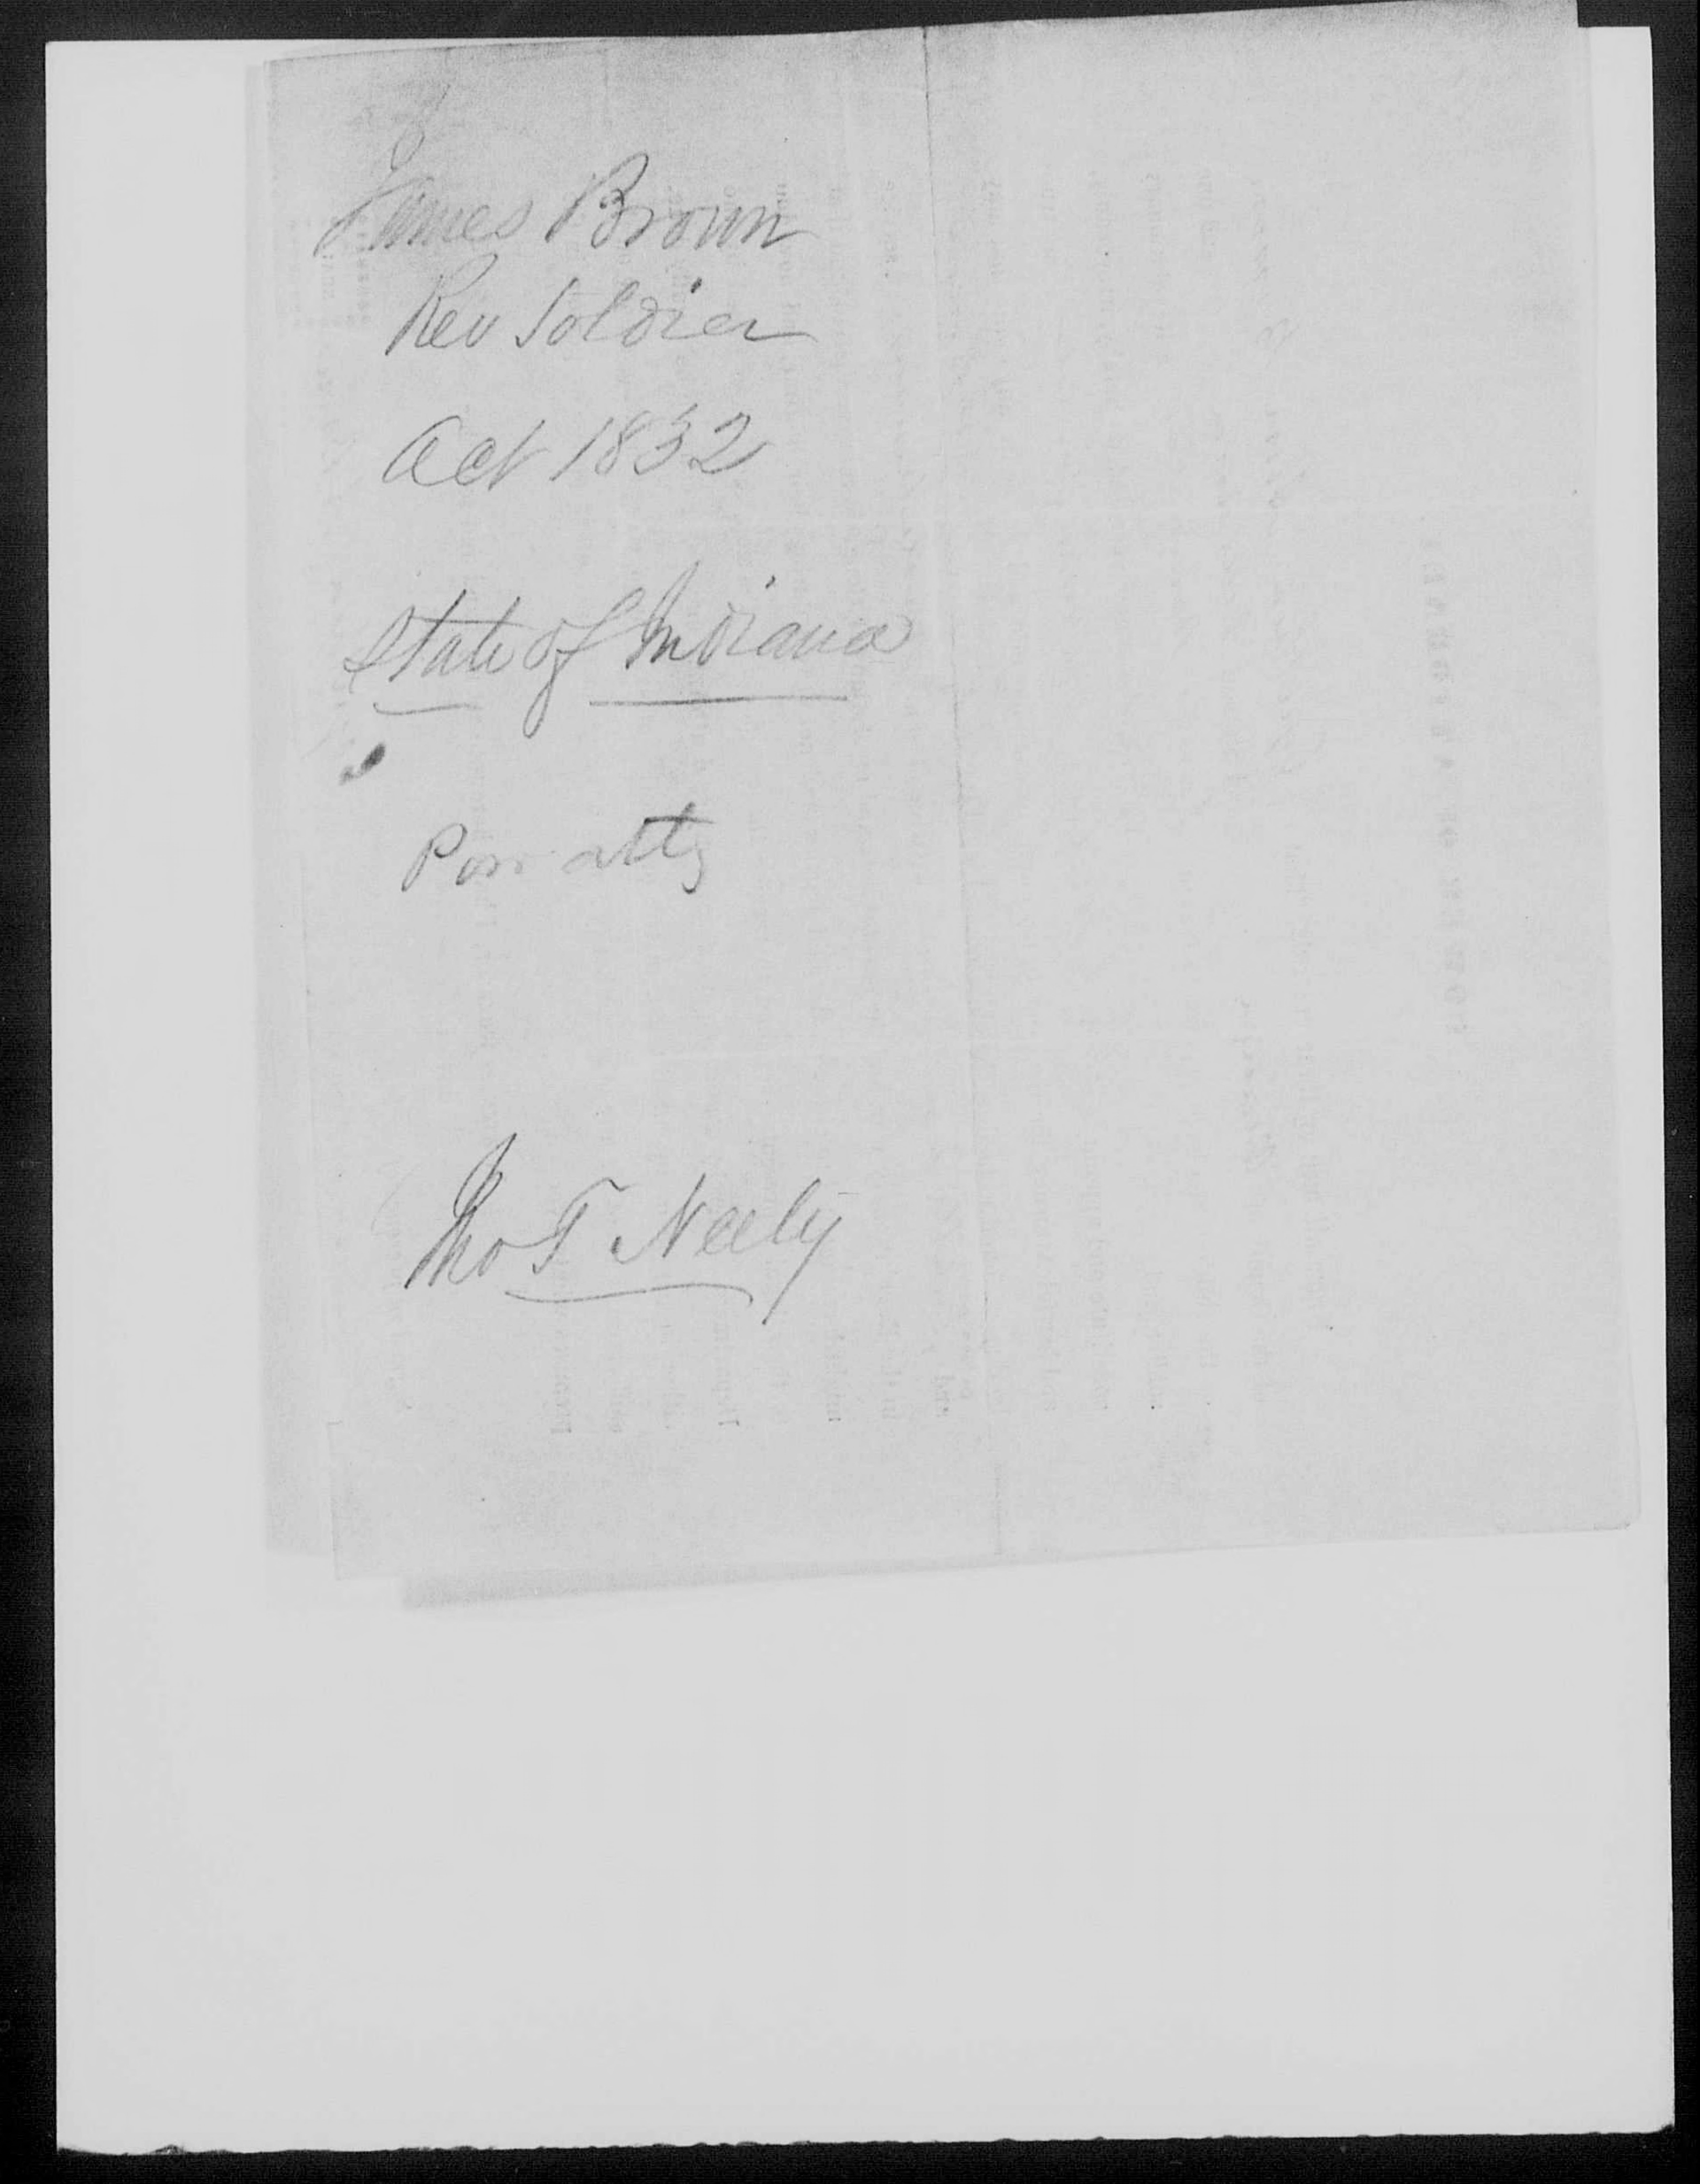James Brown Rev soldier Act 1832
State of Indiana
Pow Atty
Jno T Neely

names: James Brown, Jno T Neely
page: 26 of 41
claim: rejected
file: R. 1309, James Brown, S.C.